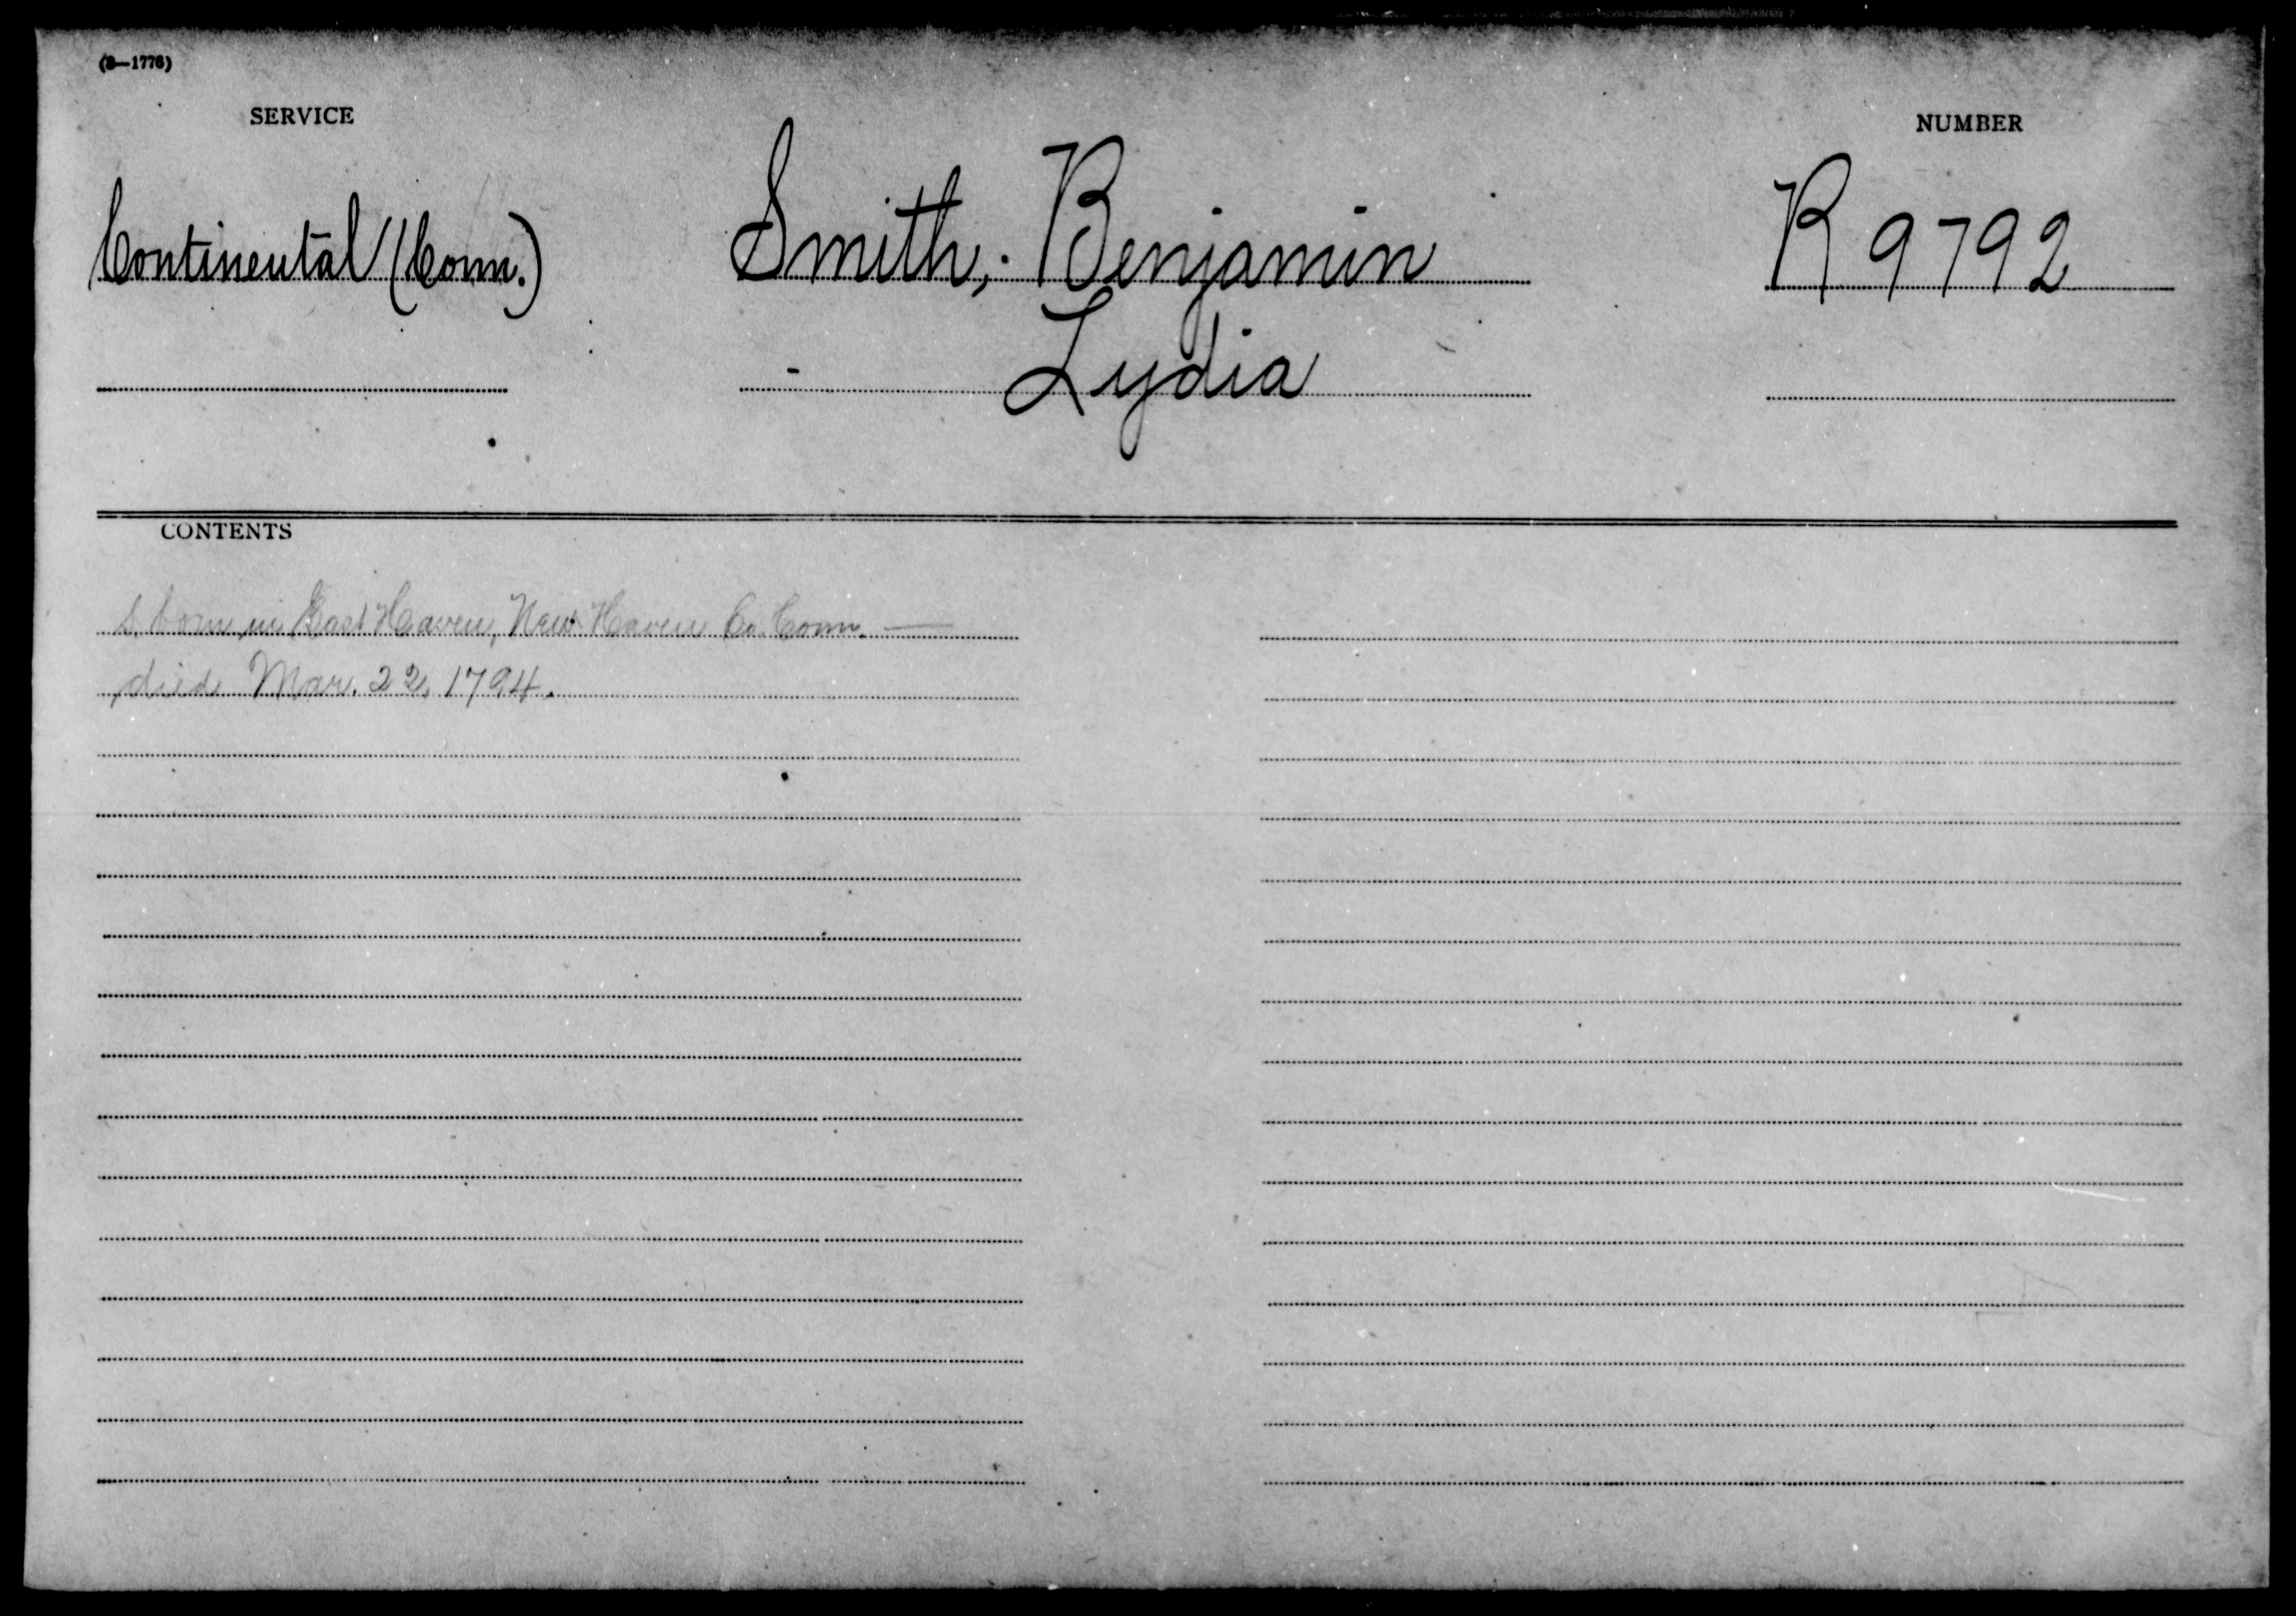(3-1776)
SERVICE
Continental (Conn.)  
Smith, Benjamin
Lydia
NUMBER
R9792
CONTENTS
S. Born in East Haven, New Haven Co. Conn.-
died Mar. 22,1794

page: 1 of 19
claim: rejected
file: R 9792, for Benjamin Smith, Connecticut